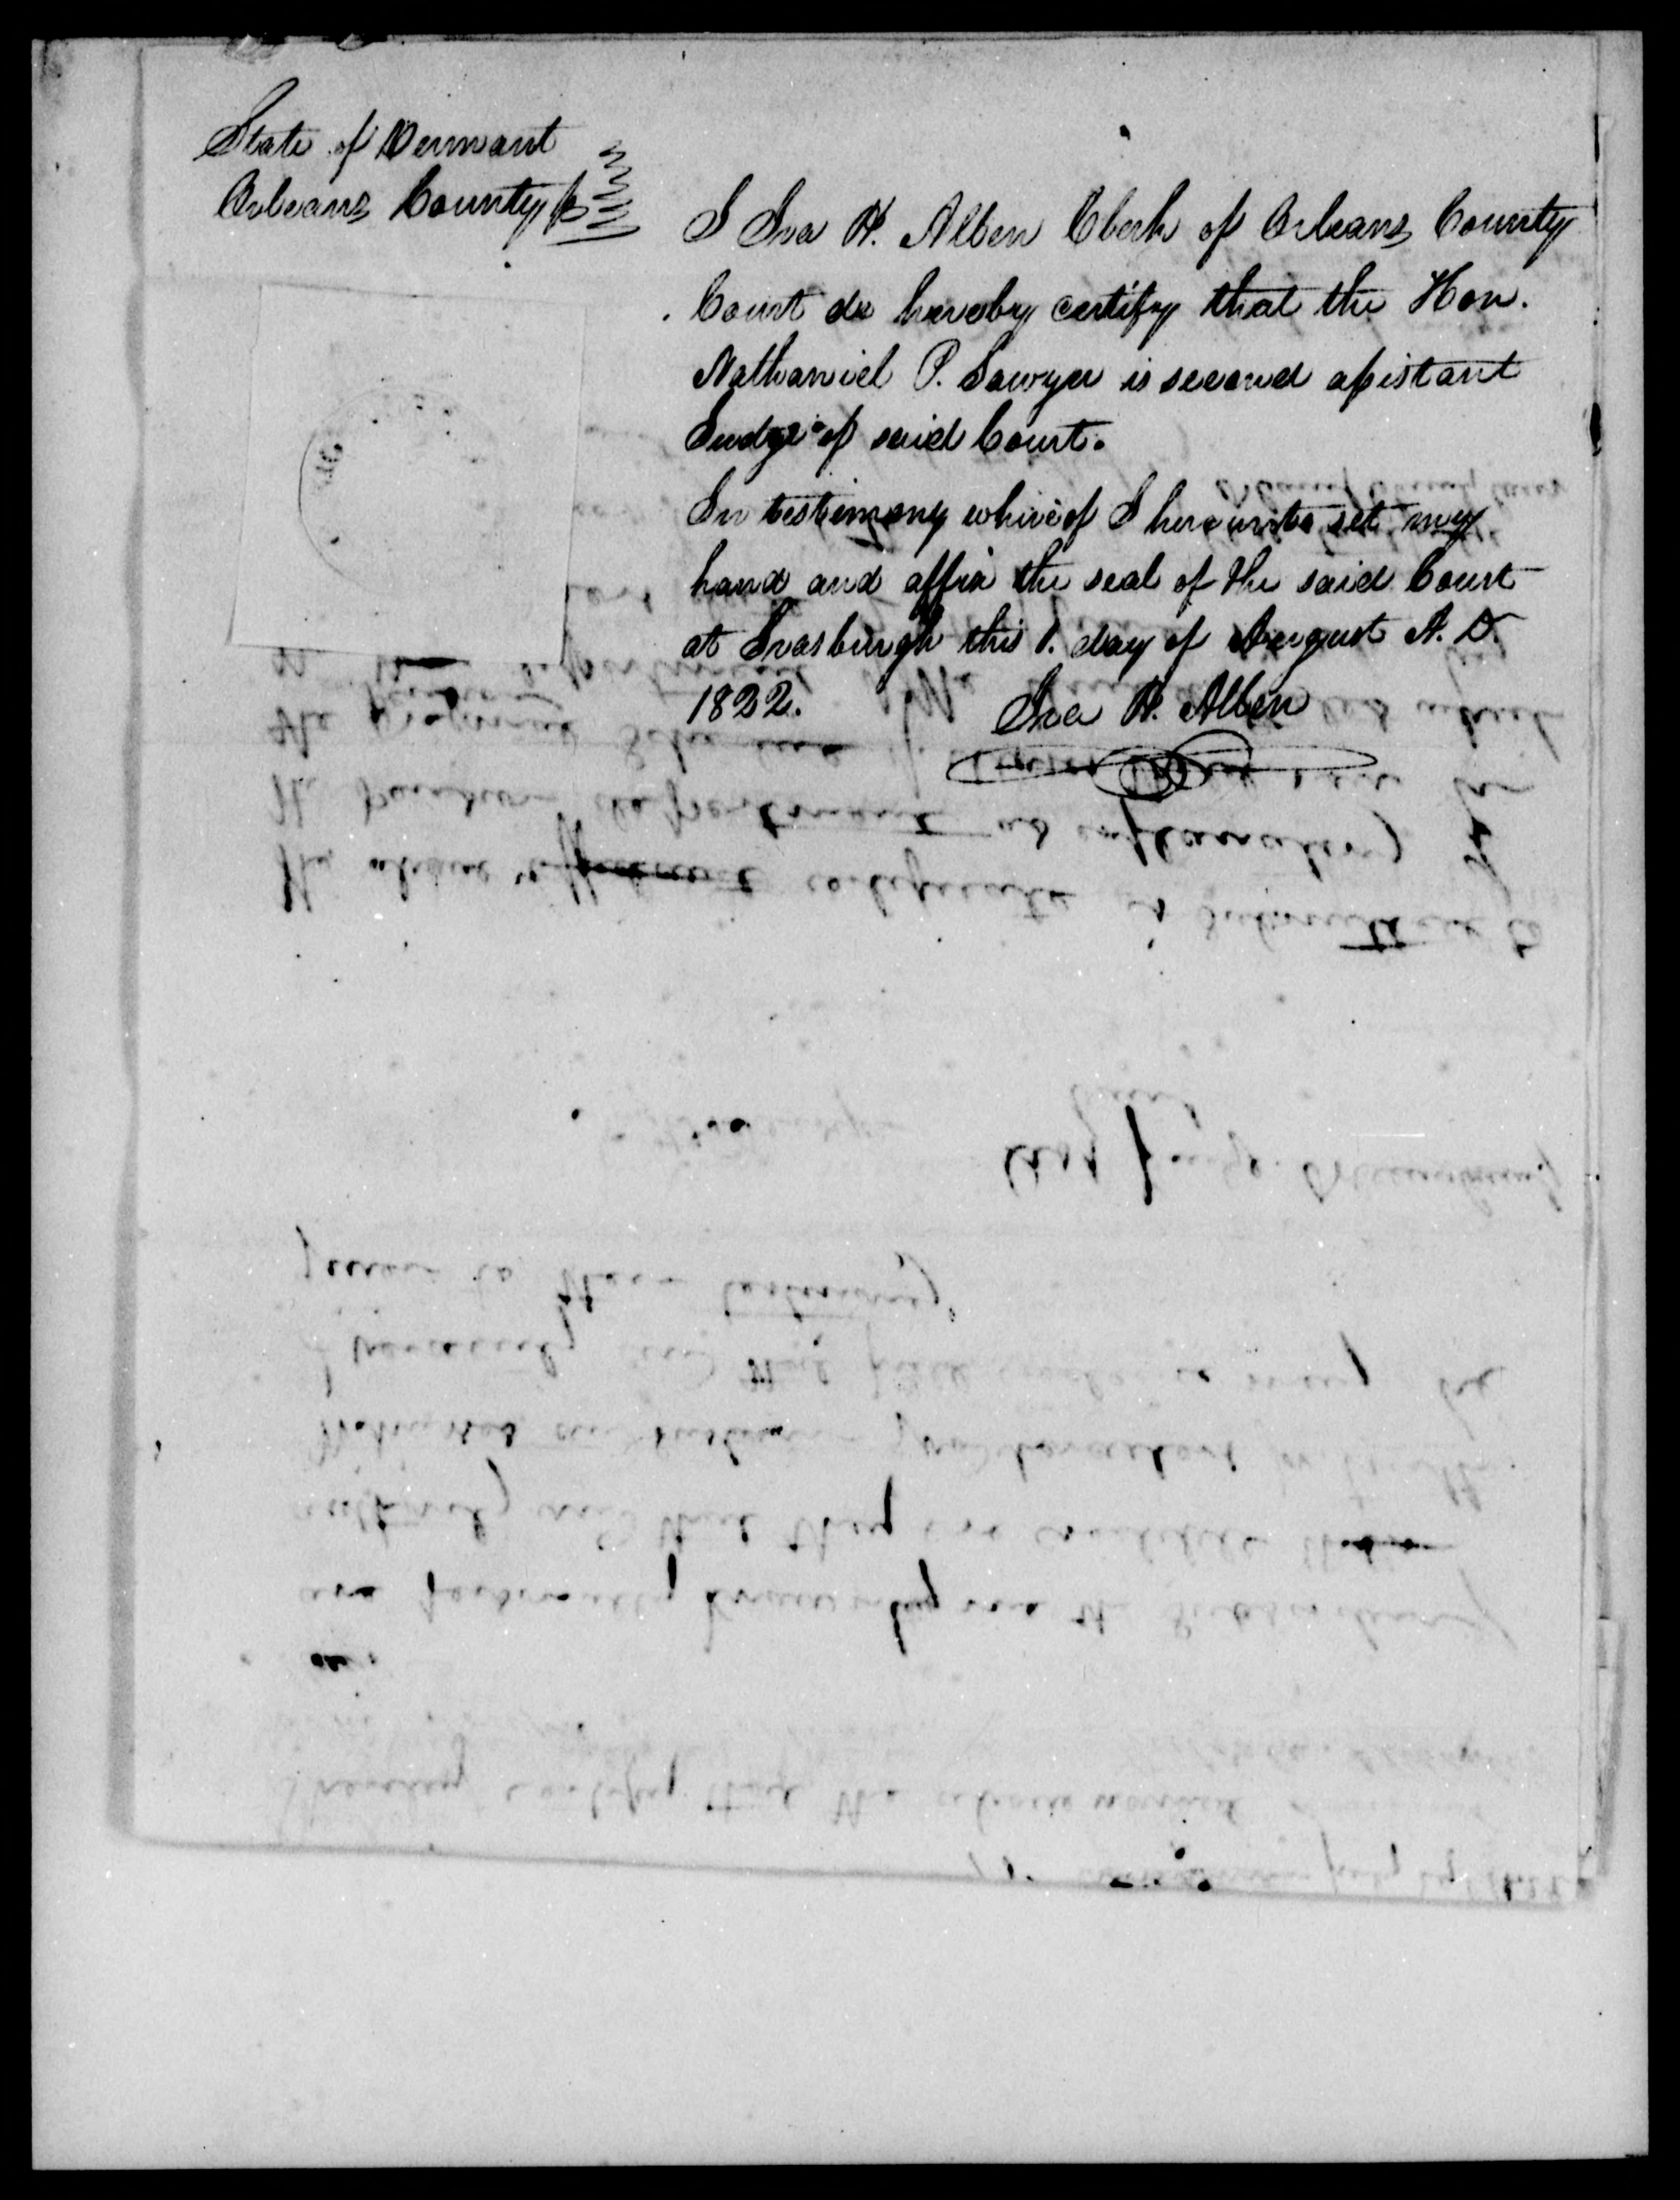State of Vermont
Orleans County 
I Ira H Alben Clerk of Orleans County Court do hereby certify that the Hon. Nathaniel P. Sawyer is second assistant Judge of said court.
In testimony whereof I hereunto set my hand and affix the seal of the said Court at Enosburgh[?] this day of August A.D. 1822. 
Ira H. Alben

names: Ira H Allen, Nathaniel P Sawyer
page: 62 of 87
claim: widow's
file: W. 25,966, Moses Weld, Mass.